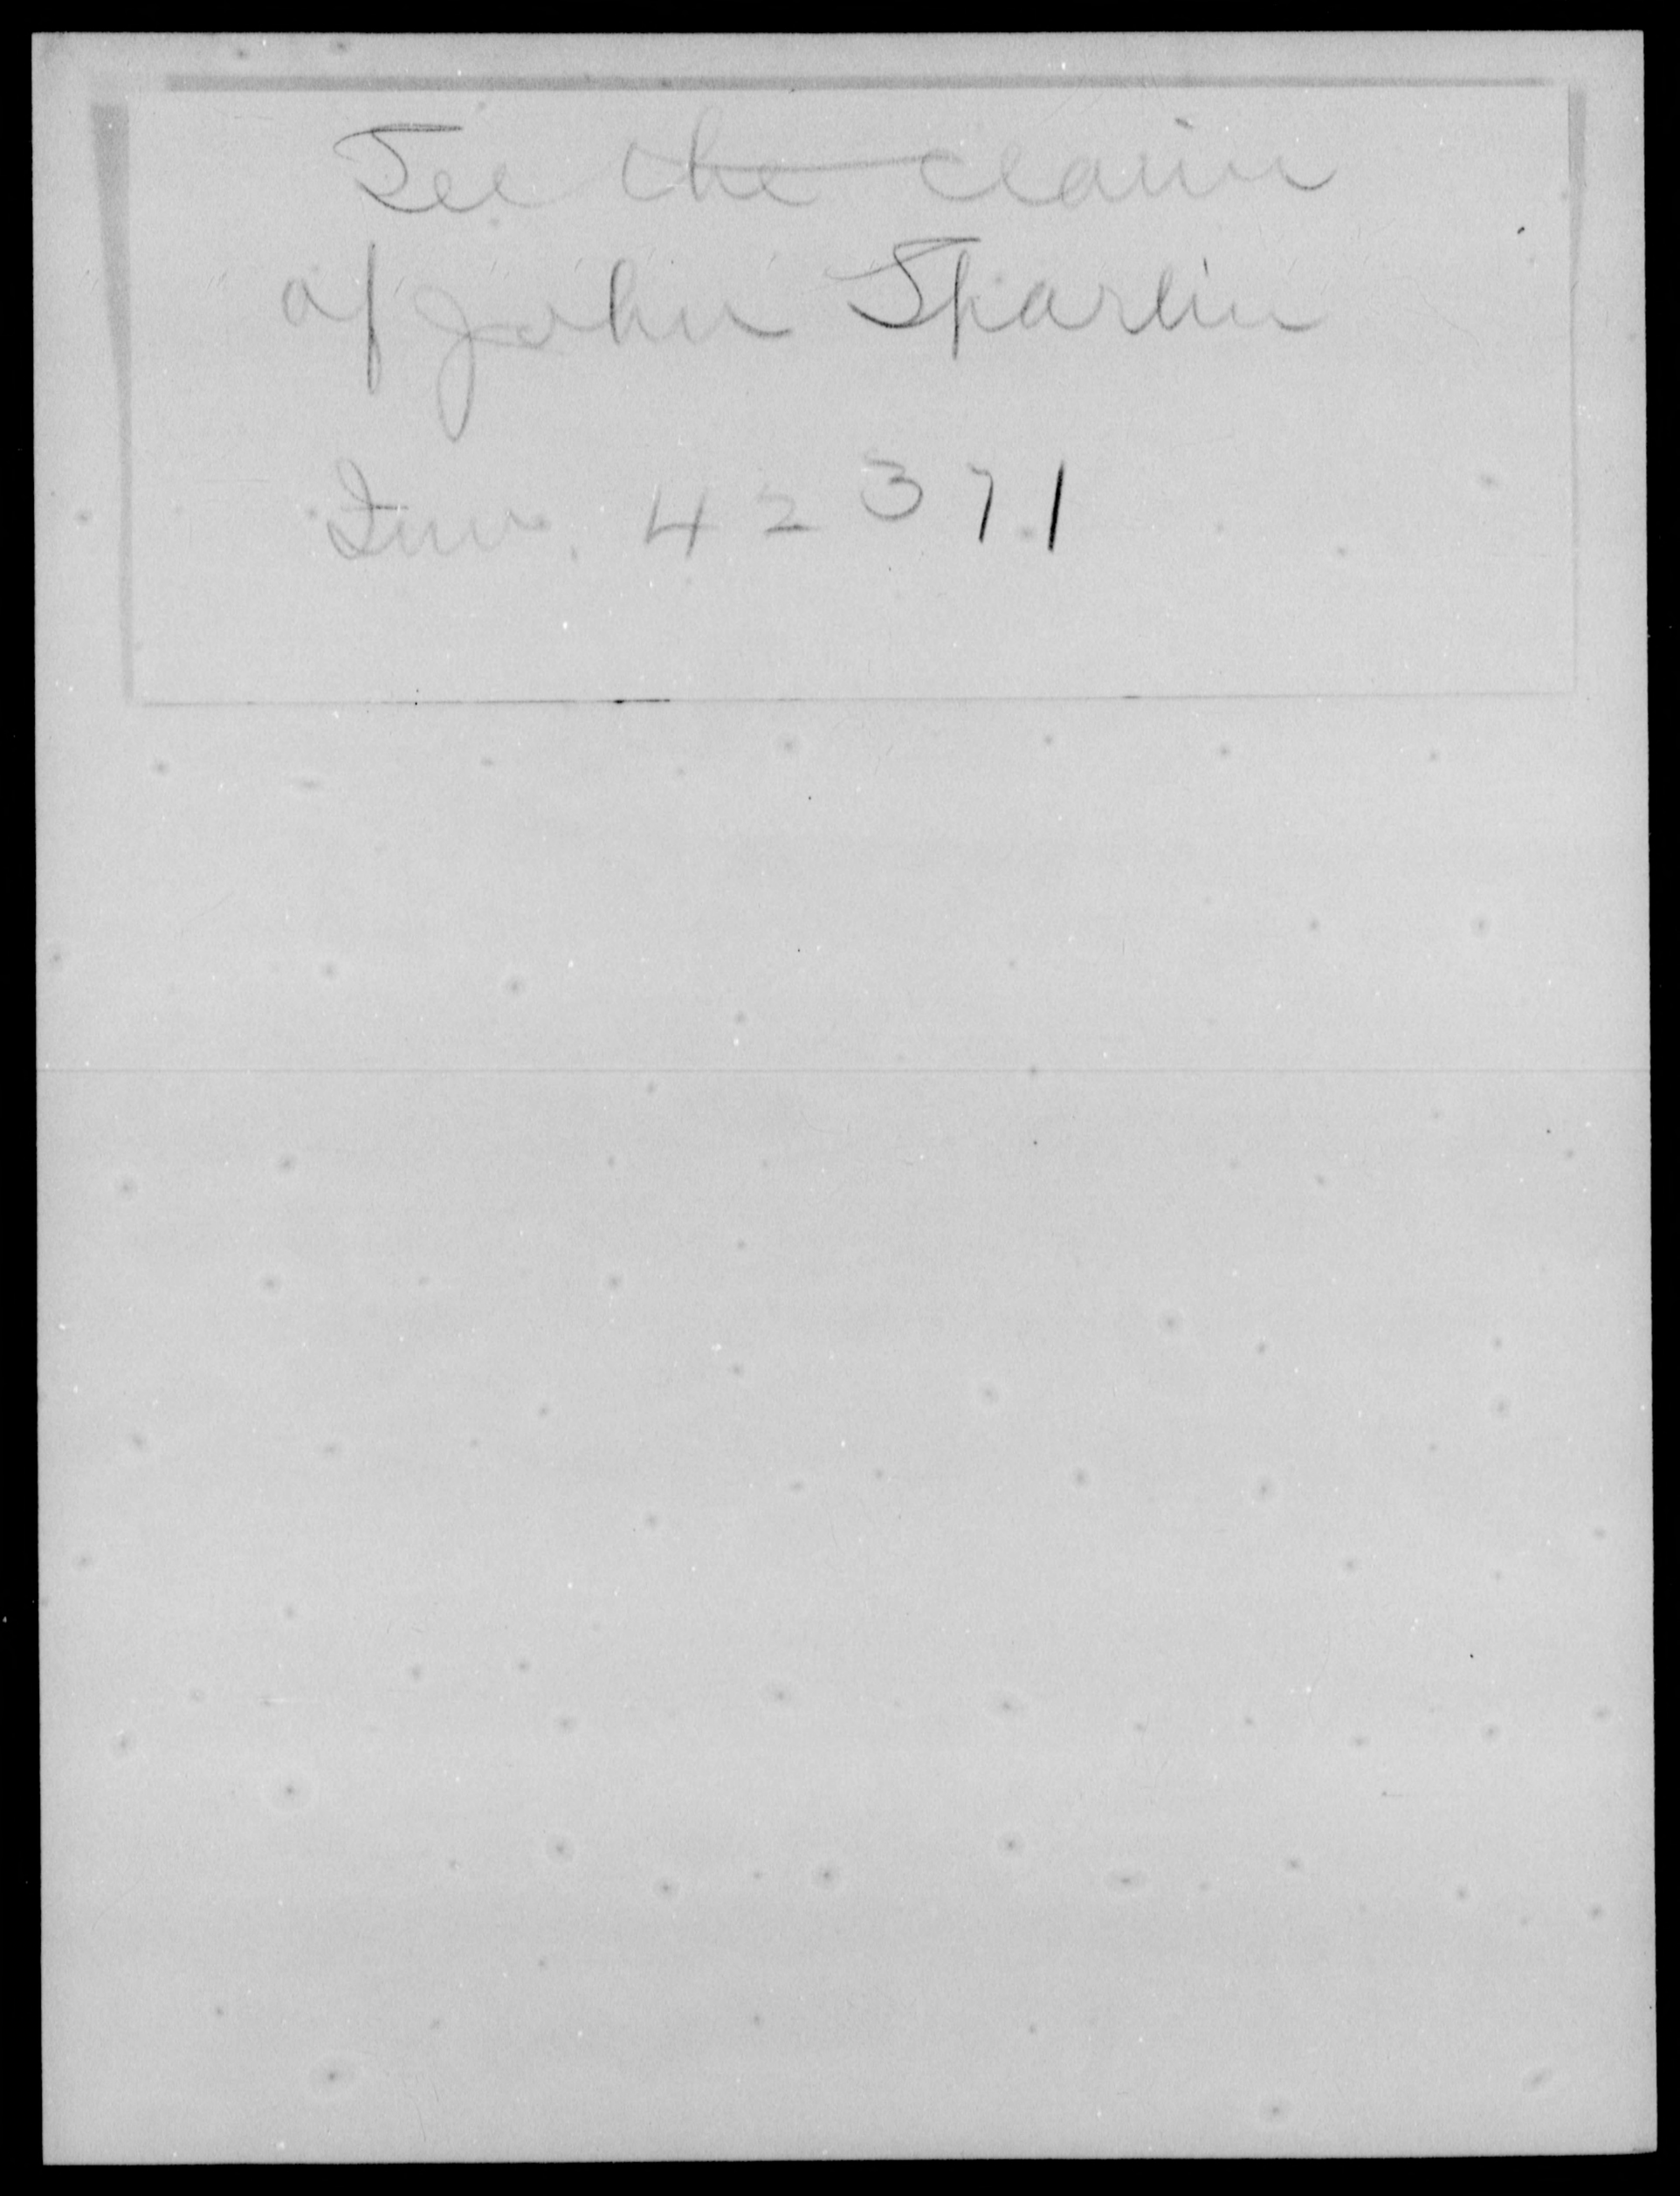See the claim
of John Sparlin
(illegible) 42371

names: John Sparlin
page: 14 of 20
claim: survivor's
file: S. 36,783, for George Sparling, New Jersey